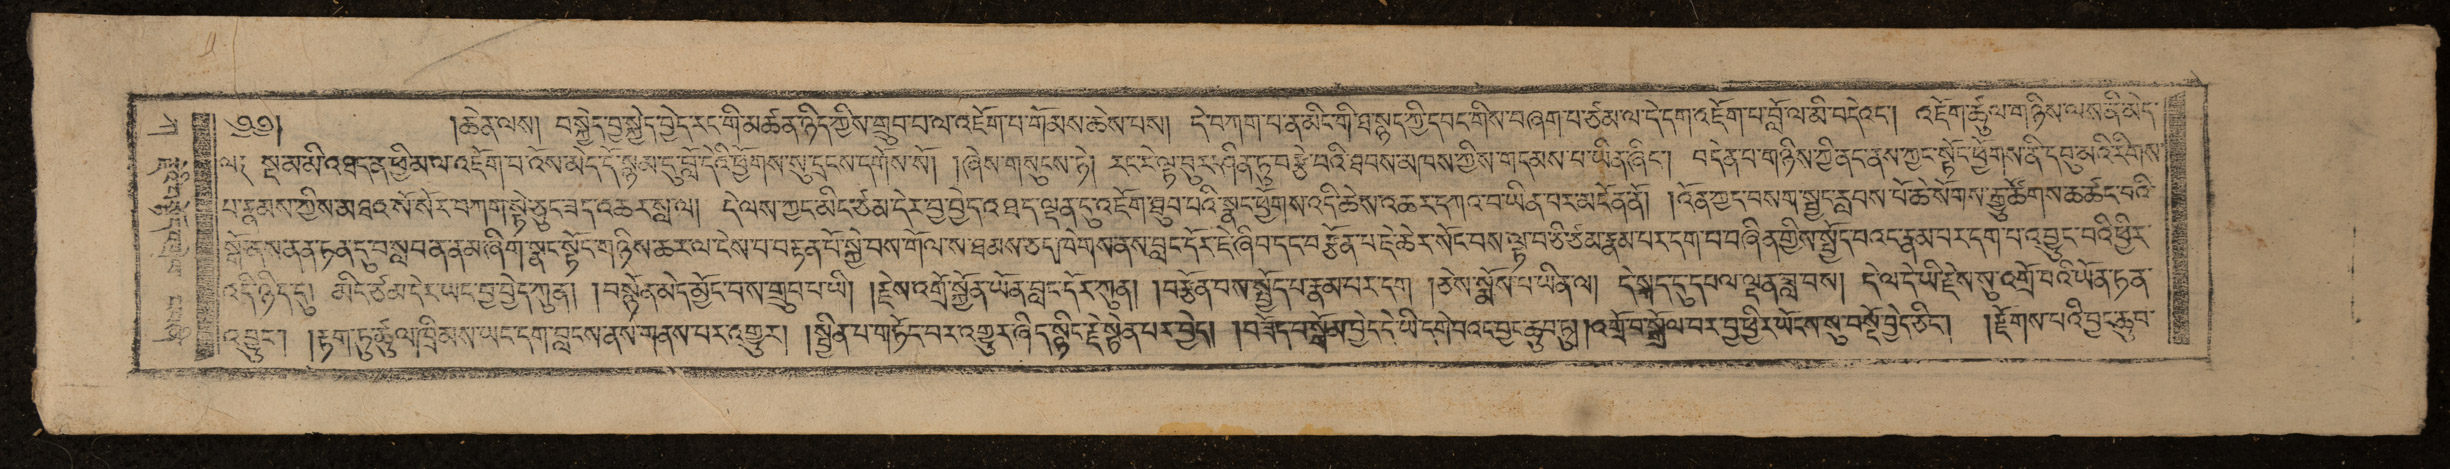༄༅། །ཆེན་ལས། བསྐྱེད་བྱ་སྐྱེད་བྱེད་རང་གི་མཚན་ཉིད་ཀྱིས་གྲུབ་པ་ལ་འཇོག་པ་གོམས་ཆེས་པས། དེ་བཀག་པ་ན་མིང་གི་ཐ་སྙད་ཀྱི་དབང་གིས་བཞག་པ་ཙམ་ལ་དེ་དག་འཇོག་བ་བློ་ལ་མི་བདེ་འང་། འཇོག་ཚུལ་གཉིས་ལས་ནི་མེད་
ལ༑ སྔ་མ་མི་འཐད་ན་ཕྱི་མ་ལ་འཇོག་པ་འོས་མེད་དོ་སྙམ་དུ་བློ་དེའི་ཕྱོགས་སུ་དྲངས་དགོས་སོ། །ཞེས་གསུངས་ཏེ། རང་བལྟ་བུར་ཤིན་ཏུ་བརྩེ་བའི་ཐབས་མཁས་ཀྱིས་གདམས་པ་ཡིན་ཞིང་། བདེན་པ་གཉིས་ཀྱི་ནང་ནས་ཀྱང་སྟོང་ཕྱོགས་ནི་དབུ་མའི་རིགས་
བ་རྣམས་ཀྱིས་མཐའ་སོ་སོར་བཀག་སྟེ་ཅུང་ཟད་བ་ཆར་སླ་ལ། དེ་ལས་ཀྱང་མིང་ཙམ་དེར་བྱ་བྱེད་འཐད་ལྡན་དུ་འཇོག་ཐུབ་པའི་སྣང་ཕྱོགས་འདི་ཆེས་འཆར་དཀའ་བ་ཡིན་པར་མངོན་ནོ། །འོན་ཀྱང་བསག་སྦྱང་རླབས་པོ་ཆེ་སོགས་རྒྱུ་ཚོགས་ཆ་ཚང་བའི་
སྒོམས་ནན་ཏན་དུ་བསླབ་ན་ནམ་ཞིག་སྣང་སྟོང་གཉིས་ཆ་རལ་ངེས་པ་བརྟན་པོ་སྐྱེ་བས་གོ་ལས་ཐམས་ཅད་ཁེགས་ནས་བླང་དོར་ཇེ་ཞིབ་དང་བརྩོན་པ་ཇེ་ཆེར་སོང་བས་ལྟ་བ་ཅི་ཙམ་རྣམ་པར་དག་པ་བཞིན་གྱིས་སྦྱོད་པའང་རྣམ་བར་དག་བ་འབྱུང་བའི་ཕྱིར་
འདི་ཉིད་དུ། མིང་ཙམ་དེར་ཡང་བྱ་བྱེད་ཀུན། །བསྙོན་མེད་མྱོང་བས་གྲུབ་པ་ཡི། །རྗེས་འགྲོ་སྐྱོན་ཡོན་བླང་དོར་ཀུན། །བརྩོན་པས་སྤྱོད་བ་རྣམ་པར་དག །ཅེས་སྨོས་བ་ཡིན་ལ། དེ་སྐད་དུ་དཔལ་ལྡན་ཟླ་བས། དེ་ལ་དེ་ཡི་རྗེས་སུ་འགྲོ་བའི་ཡོན་ཏན་
འབྱུང་། །རྟག་ཏུ་ཚུལ་ཁྲིམས་ཡང་དག་བླངས་ནས་གནས་པར་འགྱུར། །སྦྱིན་པ་གཏོང་པར་འགྱུར་ཞིང་སྙིང་རྗེ་སྟེན་པར་བྱེད། །བཟོད་པ་སྒོམ་བྱེད་དེ་ཡི་དགེ་བའང་བྱང་ཆུབ་ཏུ། །འགྲོ་བ་སྒྲོལ་བའི་བྱ་ཕྱིར་ཡོངས་སུ་བསྔོ་བྱེད་ཅིང་། །རྫོགས་པའི་བྱང་ཆུབ་